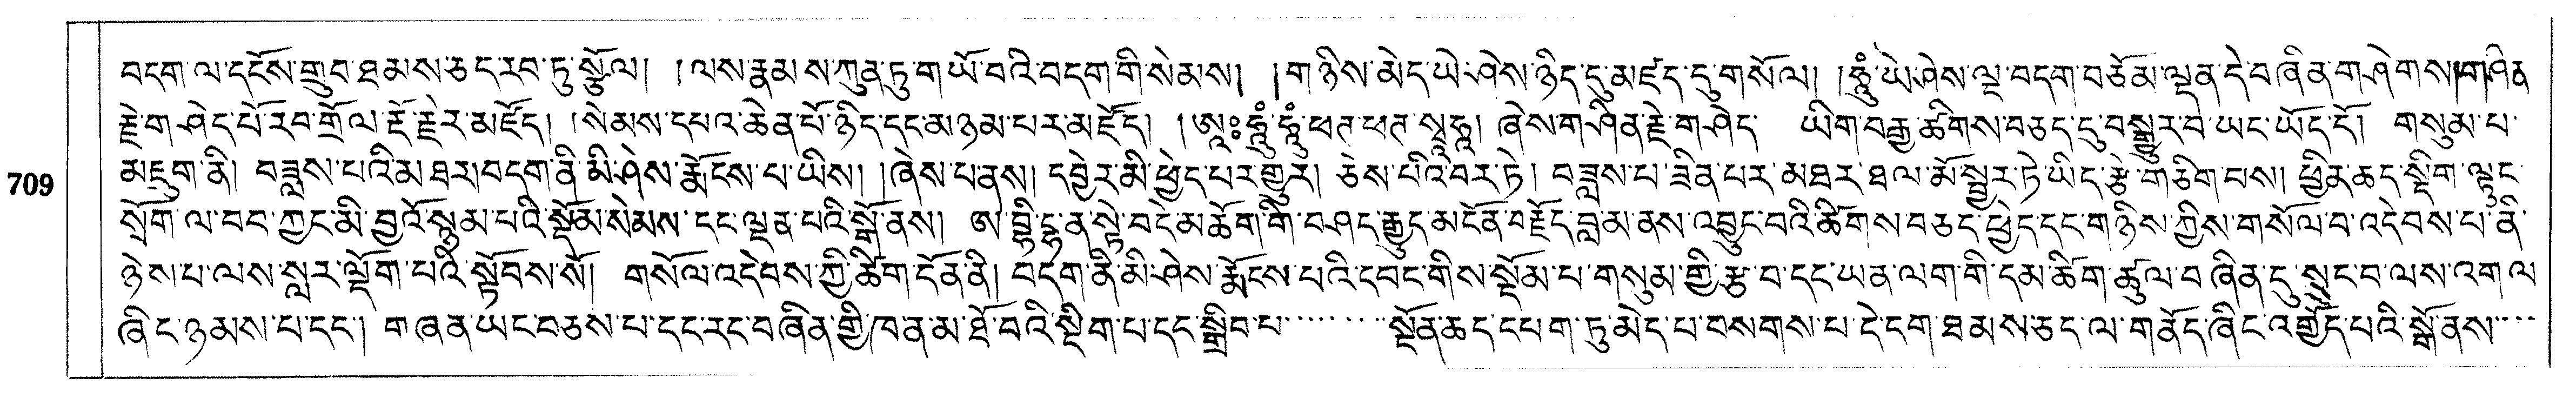བདག་ལ་དངོས་གྲུབ་ཐམས་ཅད་རབ་ཏུ་སྩོལ། །ལས་རྣམས་ཀུན་ཏུ་གཡོ་བའི་བདག་གི་སེམས། །གཉིས་མེད་ཡེ་ཤེས་ཉིད་དུ་མཛད་དུ་གསོལ། །ཧཱུཾ་ཡེ་ཤེས་ལྔ་བདག་བཅོམ་ལྡན་དེ་བཞིན་གཤེགས། གཤིན་
རྗེ་གཤེད་པོ་རབ་གྲོལ་རྡོ་རྗེར་མཛོད། །སེམས་དཔའ་ཆེན་པོ་ཉིད་དང་མཉམ་པར་མཛོད། །ཨཱཿ ཧཱུཾ་ཧཱུཾ་ཕཊ་ཕཊ་སྭཱཧཱ། ཞེས་གཤིན་རྗེ་གཤེད་ཡིག་བརྒྱ་ཚིགས་བཅད་དུ་བསྒྱུར་བ་ཡང་ཡོད་དོ། གསུམ་པ་
མཇུག་ནི། བཟླས་པའི་མཐར། བདག་ནི་མི་ཤེས་རྨོངས་པ་ཡིས། །ཞེས་པ་ནས། དབྱེར་མི་ཕྱེད་པར་གྱུར། ཅེས་པའི་བར་ཏེ། བཟླས་པ་ཟིན་པར་མཐར་ཐལ་མོ་སྦྱར་ཏེ་ཡིད་རྩེ་གཅིག་པས། ཕྱིན་ཆད་སྡིག་ལྟུང་
སྲོག་ལ་བག་ཀྱང་མི་བྱའོ་སྙམ་པའི་སྡོམ་སེམས་དང་ལྡན་པའི་སྒོ་ནས། ཨ་བྷི་དྷ་ན་སྟེ་བདེ་མཆོག་གི་བཤད་རྒྱུད་མངོན་བརྗོད་བླ་མ་ནས་འབྱུང་བའི་ཚིགས་བཅད་ཕྱེད་དང་གཉིས་ཀྱིས་གསོལ་བ་འདེབས་པ་ནི་
ཉེས་པ་ལས་སླར་ལྡོག་པའི་སྟོབས་སོ། གསོལ་འདེབས་ཀྱི་ཚིག་དོན་ནི། བདག་ནི་མི་ཤེས་རྨོངས་པའི་དབང་གིས་སྡོམ་པ་གསུམ་གྱི་རྩ་བ་དང་ཡན་ལག་གི་དམ་ཚིག་ཚུལ་བཞིན་དུ་སྲུང་བ་ལས་འགལ་
ཞིང་ཉམས་པ་དང་། གཞན་ཡང་བཅས་པ་དང་རང་བཞིན་གྱི་ཁ་ན་མ་ཐོ་བའི་སྡིག་པ་དང་སྒྲིབ་པ་སྔོན་ཆད་དཔག་ཏུ་མེད་པ་བསགས་པ་དེ་དག་ཐམས་ཅད་ལ་གནོད་ཞིང་འགྱོད་པའི་སྒོ་ནས་